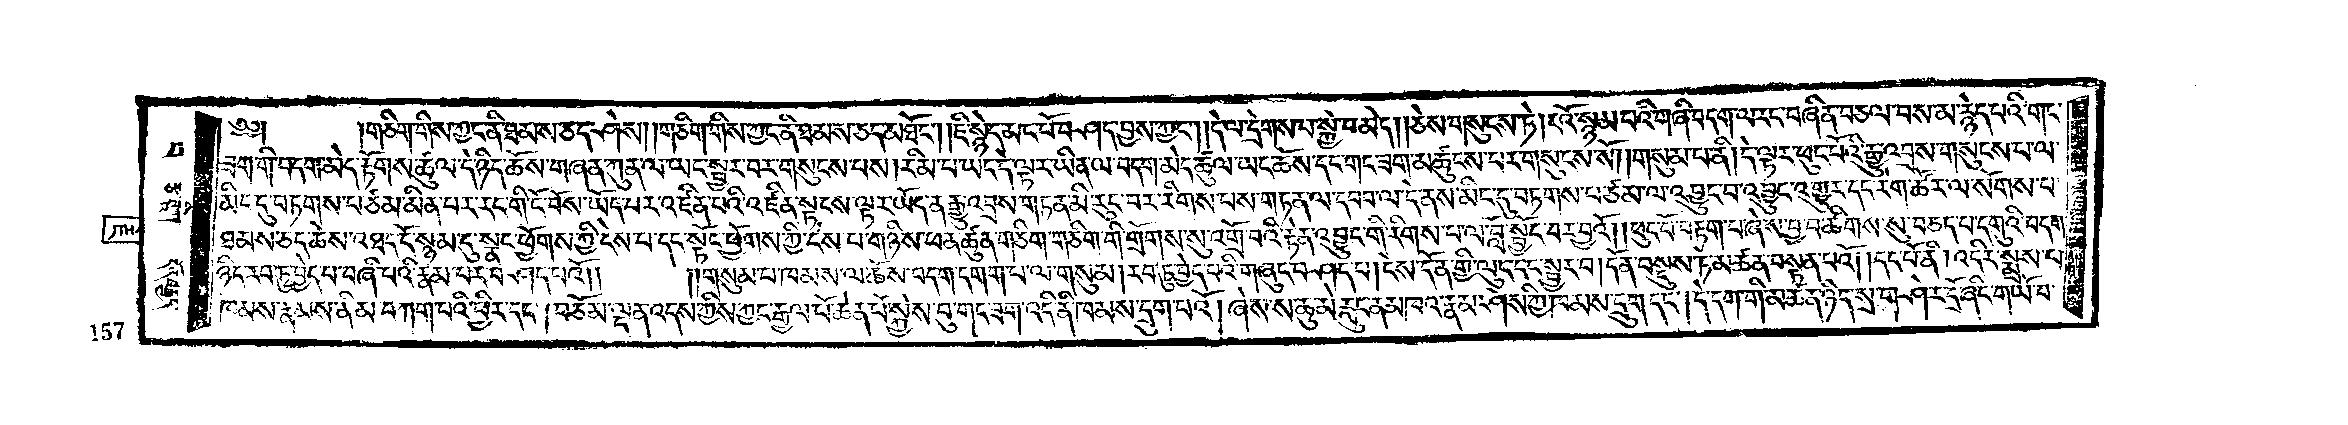༄༅། །གཅིག་གིས་ཀྱང་ནི་ཐམས་ཅད་ཤེས། །གཅིག་གིས་ཀྱང་ནི་ཐམས་ཅད་མཐོང་། །ཇི་སྙེད་མང་པོ་བཤད་བྱས་ཀྱང་། །དེ་ལ་དྲེགས་པ་སྐྱེ་བ་མེད། །ཅེས་གསུངས་ཏེ། ངའོ་སྙམ་པའི་གཞི་བདག་ལ་རང་བཞིན་བཅལ་བས་མ་རྙེད་པའི་གང་
ཟག་གི་བདག་མེད་རྟོགས་ཚུལ་དེ་ཉིད་ཆོས་གཞན་ཀུན་ལ་ཡང་སྦྱར་བར་གསུངས་པས། རིམ་པ་ཡང་དེ་ལྟར་ཡིན་ལ་བདག་མེད་ཚུལ་ཡང་ཆོས་དང་གང་ཟག་མཚུངས་པར་གསུངས་སོ། །གསུམ་པ་ནི། དེ་ལྟར་ཕུང་པོའི་རྒྱུ་འབྲས་གསུངས་པ་ལ་
མིད་དུ་བཏགས་པ་ཙམ་མིན་པར་རང་གི་ངོ་བོས་ཡོད་པར་འཛིན་པའི་འཛིན་སྟངས་ལྟར་ཡོད་ན་རྒྱུ་འབྲས་གཏན་མི་རུང་བར་རིགས་པས་གཏན་ལ་དབབ་ལ་དེ་ནས་མིང་དུ་བཏགས་པ་ཙམ་ལ་འབྱུང་བ་འབྱུང་འགྱུར་དང་རེག་ཚོར་ལ་སོགས་པ་
ཐམས་ཅད་ཆེས་འཐད་དོ་སྙམ་དུ་སྣང་ཕྱོགས་ཀྱི་ངེས་པ་དང་སྟོང་ཕྱོགས་ཀྱི་ངེས་པ་གཉིས་ཕན་ཚུན་གཅིག་གཅིག་གི་གྲོགས་སུ་འགྲོ་བའི་རྟེན་འབྱུང་གི་རིགས་པ་ལ་བློ་སྦོང་བར་བྱའོ། །ཕུང་པོ་བརྟག་པ་ཞེས་བྱ་བ་ཚིགས་སུ་བཅད་པ་དགུའི་བདག་
ཉིད་རབ་ཏུ་བྱེད་པ་བཞི་པའི་རྣམ་པར་བཤད་པའོ།། །།གསུམ་པ་ཁམས་ལ་ཆོས་བདག་དགག་པ་ལ་གསུམ། རབ་ཏུ་བྱེད་པའི་གཞུང་བཤད་པ་།ངེས་དོན་གྱི་ལུང་དང་སྦྱར་བ། དོན་བསྡུས་ཏེ་མཚན་བསྟན་པའོ། །དང་པོ་ནི། འདིར་སྨྲས་པ་
ཁམས་རྣམས་ནི་མ་བཀག་པའི་ཕྱིར་དང་། བཅོམ་ལྡན་འདས་ཀྱིས་ཀྱང་རྒྱལ་པོ་ཆེན་པོ་སྐྱེས་བུ་གང་ཟག་འདི་ནི་ཁམས་དྲུག་པའོ་།ཞེས་ས་ཆུ་མེ་རླུང་ནམཁའ་རྣམ་ཤེས་ཀྱི་ཁམས་དྲུག་དང་།དེ་དག་གི་མཚན་ཉིད་སྲ་གཤེར་དྲོ་ཞིང་གཡོ་བ་